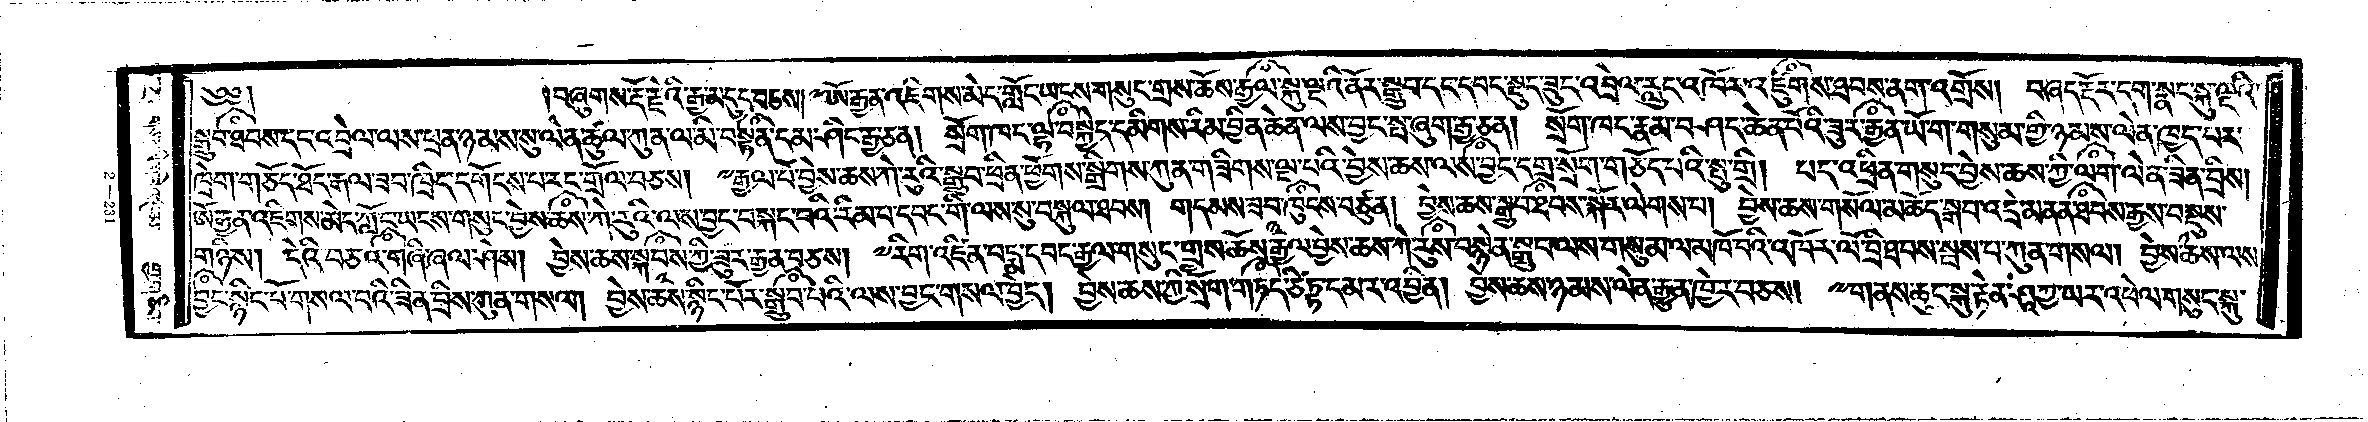༄༅། །བཞུགས་རྡོ་རྗེའི་རྒྱ་མདུད་བཅས། ༧ཨོ་རྒྱན་འཇིགས་མེད་གློང་ཡངས་གསུང་གྲས་ཆོས་རྒྱལ་སྐུ་ལྔའི་ནོར་སྒྲུབ་དང་དབང་སྡུད་ཟུང་འབྲེལ་རླུང་འཁོར་འཛུགས་ཐབས་ནག་འགྲོས། བཞད་རྡོར་དག་སྣང་སྐུ་ལྔའི་
སྒྲུབ་ཐབས་དང་འབྲེལ་ལས་ཕྲན་ཉམས་སུ་ལེན་ཚུལ་ཀུན་ལ་མི་བསྟན་དམ་ཤིང་རྒྱ་ཅན། སྲོག་ཁང་ལྷ་བསྐྱེད་དམིགས་རིམ་བྱིན་ཆེན་ལས་བྱང་སྤ་ཞུག་རྒྱ་ཅན། སྲོག་ཁང་རྣམ་བཤད་ཆེན་པོའི་ཟུར་རྒྱན་ཡོ་ག་གསུམ་གྱི་ཉམས་ལེན་ཁྱད་པར་
ཁྲེག་གཅོད་ཐོད་རྒལ་ཟབ་ཁྲིད་དགོངས་པ་རང་གྲོལ་བཅས། ༧རྒྱལ་པོ་བྱེས་ཆས་ཀེ་རུའི་སྒྲུབ་ཕྲིན་ཕྱོགས་སྒྲིགས་ཀུན་གཟིགས་ལྔ་པའི་བྱེས་ཆས་ལས་བྱང་དགྲ་སྲོག་གཅོད་པའི་སྤུ་གྲི། པད་འཕྲིན་གསུང་བྱེས་ཆས་ཀྱི་ལག་ལེན་ཟིན་བྲིས།
ཨོ་རྒྱན་འཇིགས་མེད་ཀློང་ཡངས་གསུང་བྱེས་ཆས་ཀེ་རུའི་ལས་བྱང་བསྐང་བའི་རིམ་པ་དབང་གི་ལས་སུ་བསྐུལ་ཐབས། གདམས་ཟབ་ཁུངས་བཙུན། བྱེས་ཆས་སྒྲུབ་ཐབས་སྐོར་ལེགས་པ། བྱེས་ཆས་གསོལ་མཆོད་སྒབ་འདྲེ་མནན་ཐབས་རྒྱས་བསྡུས་
གཉིས། དེའི་བཅའ་གཞི་ཞལ་ཤེས། བྱེས་ཆས་སྐབས་ཀྱི་ཟུར་རྒྱན་བཅས། ༧རིག་འཛིན་པདམ་དབང་རྒྱལ་གསུང་གྲས་ཆོས་རྒྱལ་བྱེས་ཆས་ཀེ་རུས་བསྙེན་སྒྲུབ་ལས་གསུམ་ལམ་ཁོ་བའི་འཁོར་ལོ་བྲི་ཐབས་སྦས་པ་ཀུན་གསལ། བྱེས་ཆས་ལས་
བྱང་སྙིང་པོ་གསལ་བའི་ཟིན་བྲིས་ཀུན་གསལ། བྱེས་ཆས་སྙིང་པོར་སྒྲུབ་པའི་ལས་བྱང་གསལ་བྱེད། བྱེས་ཆས་ཀྱི་སྲོག་གཏད་ཙིཏྟ་དམར་འབྱིན། བྱེས་ཆས་ཉམས་ལེན་རྒྱུན་ཁྱེར་བཅས། ༧གནས་ཆུང་སྐུ་རྟེན་ཤཱཀྱ་ཡར་འཕེལ་གསུང་སྐུ་